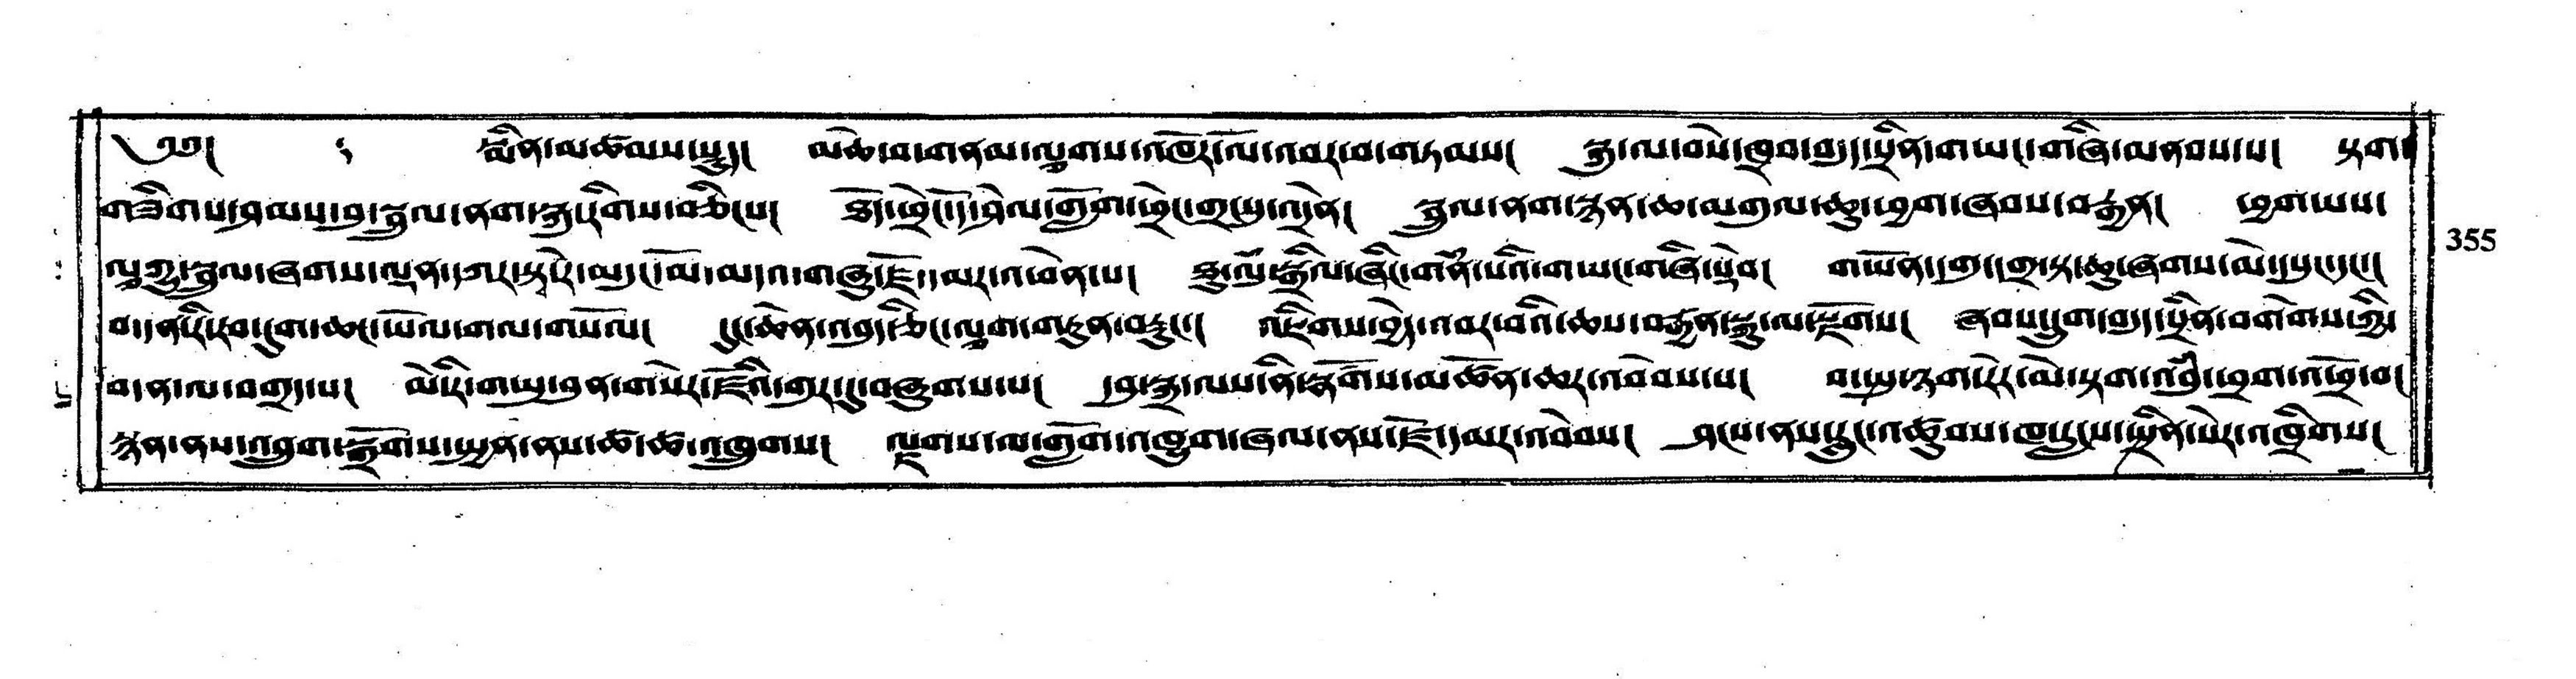སྨིན་མཚམས་སྡུད། མཆེ་བ་གནམ་ལྕགས་འཁོར་ལོ་འབར་བ་གཏམས། སྐུ་ལ་བསེ་ཁྲབ་བདུད་སྲིན་གཡང་གཞི་མནབས་པ། སྟག་
གཟིག་ཤམས་བུ་སྦྲུལ་ནག་སྐུ་རེག་བཅིངས། ཐོད་ཕྲེང་དོ་ཤལ་གློག་ཕྲེང་གྲངས་སུ་འདྲེན། སྦྲུལ་ནག་སྙན་ཆ་མགུལ་ཆུ་ཕྱག་ཞབས་བརྒྱན། ཕྱག་གཡས་
ལྕགས་ཀྱུ་སྦྲུལ་ཞགས་ལྡན་དཀར་སྟྭ་རེ་མདུང་མོ་མདའ་གཞུ་ཛོ་དམར་འཕེན་པ། ཐུ་ལུམ་སྒྲིལ་ཞིང་གནམ་སའི་གཡང་གཞི་སྡེབ། གཡོན་དགུ་དགྲ་སྟ་ཆུ་ཞགས་མེ་དཔུང་དང་། 
བ་དན་རི་{366}རབ་དུག་ཆང་ཡོལ་གང་གསོལ། དུང་ཆེན་འབུད་ཅིང་ལྕག་གཏུན་བརྡུང་། འཇིགས་བྱེད་འབར་བའི་ཆས་བརྒྱན་སྐུ་ལ་རྫོགས། ཞབས་དྲུག་བདུད་སྲིན་བགེགས་ཀྱི་
གདན་ལ་བགྲད་པ། མེ་རི་གཡུ་བུན་གསེར་ཛོའི་གུར་དུ་བཞུགས་པ། དབུ་སྐྲ་ལས་ནི་སྣ་ཚོགས་མཚོན་ཆར་འབེབས་པ། བ་སྤུ་ཉག་རེར་མེ་སྟག་འབུམ་ཕྲག་འཕྲོ་བ། 
སྙན་ནས་འབྲུག་སྒྲོགས་སྤྱན་ནས་ཚ་ཚ་འཁྲུགས། ལྗགས་ལ་གློག་འཁྱུག་ཞལ་ནས་ཛོ་དམར་འབེབས། ཤངས་ནས་རླུང་འཚུབས་ཁ་རླངས་སྤྲིན་སེར་འཁྲིགས།